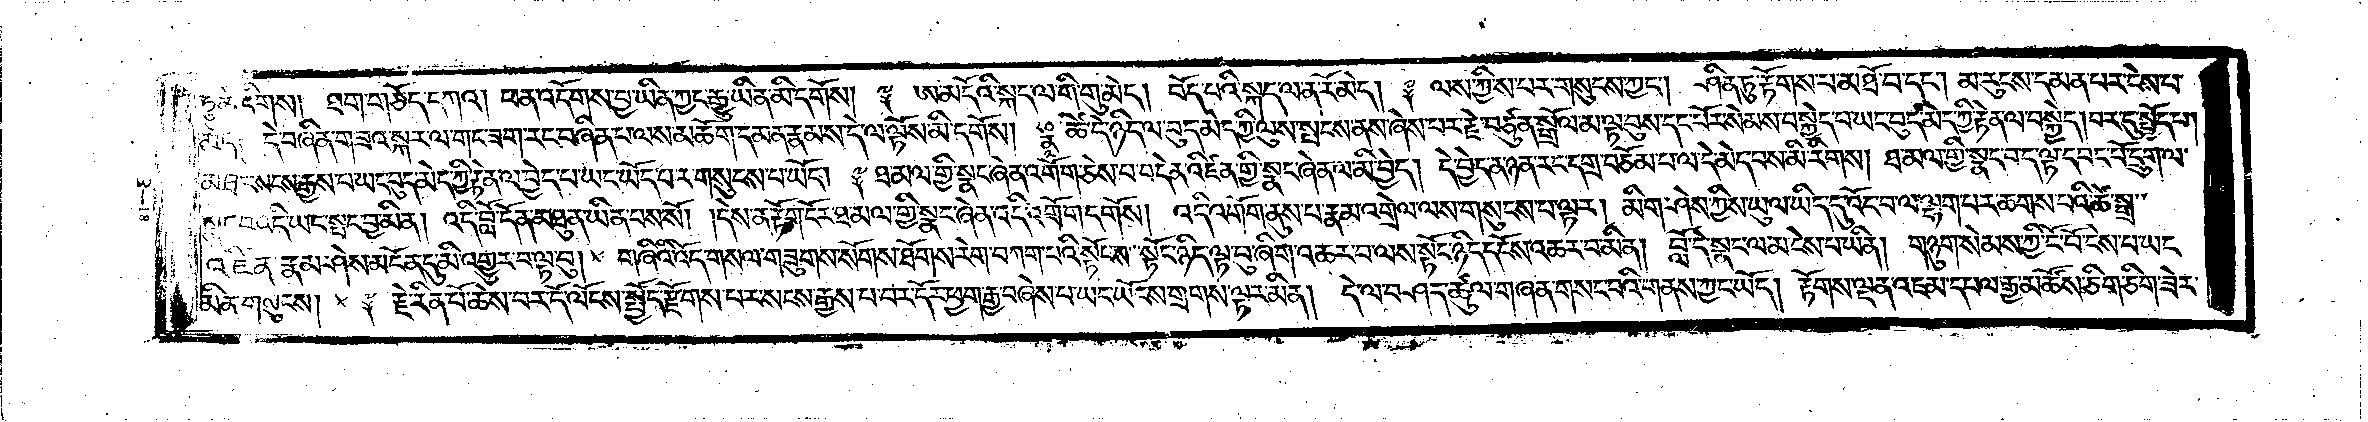ཏུ་མི་དིགས། ཐག་གཅོད་དཀའ། ཕན་འདོགས་བྱ་ཡིན་ཀྱང་རྒྱུ་ཡིན་མི་དགོས། ༈ ཨ་མདོའི་སྐད་ལ་གི་གུ་མེད། བོད་པའི་སྐད་ལ་ན་རོ་མེད། ༈ ལས་ཀྱི་ས་པར་གསུངས་ཀྱང་། ཤིན་ཏུ་རྟོགས་པ་མཐོ་བ་དང་། མ་རུངས་དམན་པར་ངེས་པ་
མེད༑ དེ་བཞིན་གཟའ་སྐར་ལ་གང་ཟག་རང་བཞིན་པ་ལས་མཆོག་དམན་རྣམས་དེ་ལ་ལྟོས་མི་དགོས། ༨༠ན༢་ཚེ་དེ་ཉིད་ལ་བུད་མེད་ཀྱི་ལུས་སྤངས་ནས་ཞེས་པར་རྗེ་བཙུན་སྒྲོལ་མ་ལྟ་བུས་དང་པོར་སེམས་བསྐྱེད་པ་ཡང་བུད་མེད་ཀྱི་རྟེན་ལ་བསྐྱེད། བར་དུ་སྤྱོད་པ།
མཐང་སངས་རྒྱས་པ་ཡང་བུད་མེད་ཀྱི་རྟེན་ལ་བྱེད་པ་ཡང་ཡོད་པར་གསུངས་པ་ཡོད། ༈ ཐ་མལ་གྱི་སྣང་ཞེན་འགོག་ཅེས་པ་བདེན་འཛིན་གྱི་སྣང་ཞེན་ལ་མི་བྱེད། དེ་བྱེད་ན་ཉན་རང་དགྲ་བཅོམ་པ་ལ་དེ་མེད་པས་མི་རིགས། ཐ་མལ་གྱི་སྣང་བ་ད་ལྟ་དབང་པོ་དྲུག་ལ་
སྣང་བ་འདི་ཡང་སྤང་བྱ་མིན། འདི་བློ་དོན་མཐུན་ཡིན་པས་སོ། །དེས་ན་རྟོག་ངོར་ཐ་མལ་གྱི་སྣང་ཞེན་འདི་འགོག་དགོས། འདི་འགོག་ནུས་པ་རྣམ་འགྲེལ་ལས་གསུངས་པ་ལྟར། མིག་ཤེས་ཀྱིས་ཡུལ་ཡིད་དུ་འོང་བ་ལ་ལྷག་པར་ཆགས་པའི་ཚེ་སྒྲ་
འཛིན་རྣམ་ཤེས་མངོན་དུ་མི་འགྱུར་བ་ལྟ་བུ། ྾་གཞིའི་འོད་གསལ་གཟུགས་སོགས་ཐོགས་རེག་བཀག་པའི་སྟོངས་སྟོང་ཉིད་ལྟ་བུ་ཞིག་འཆར་བ་ལས་སྟོང་ཉིད་དངོས་འཆར་བ་མིན། བློ་དེ་སྣང་ལ་མ་ངེས་པ་ཡིན། གཉུག་སེམས་ཀྱི་ངོ་བོ་ངེས་པ་ཡང་
མིན་གསུངས། ྾་༈ རྗེ་རིན་པོ་ཆེས་བར་དོ་ལོངས་སྤྱོད་རྫོགས་པར་སངས་རྒྱས་པ་བར་དོར་ཕྱག་རྒྱ་བཞེས་པ་ཡང་ཡོངས་གྲགས་ལྟར་མིན། དེ་ལ་བཤད་ཚུལ་གཞན་གསང་བའི་གནས་ཀྱང་ཡོད། རྟོགས་ལྡན་འཇམ་དཔལ་རྒྱ་མཚོས་ཅིག་ཅིག་ཟེར་